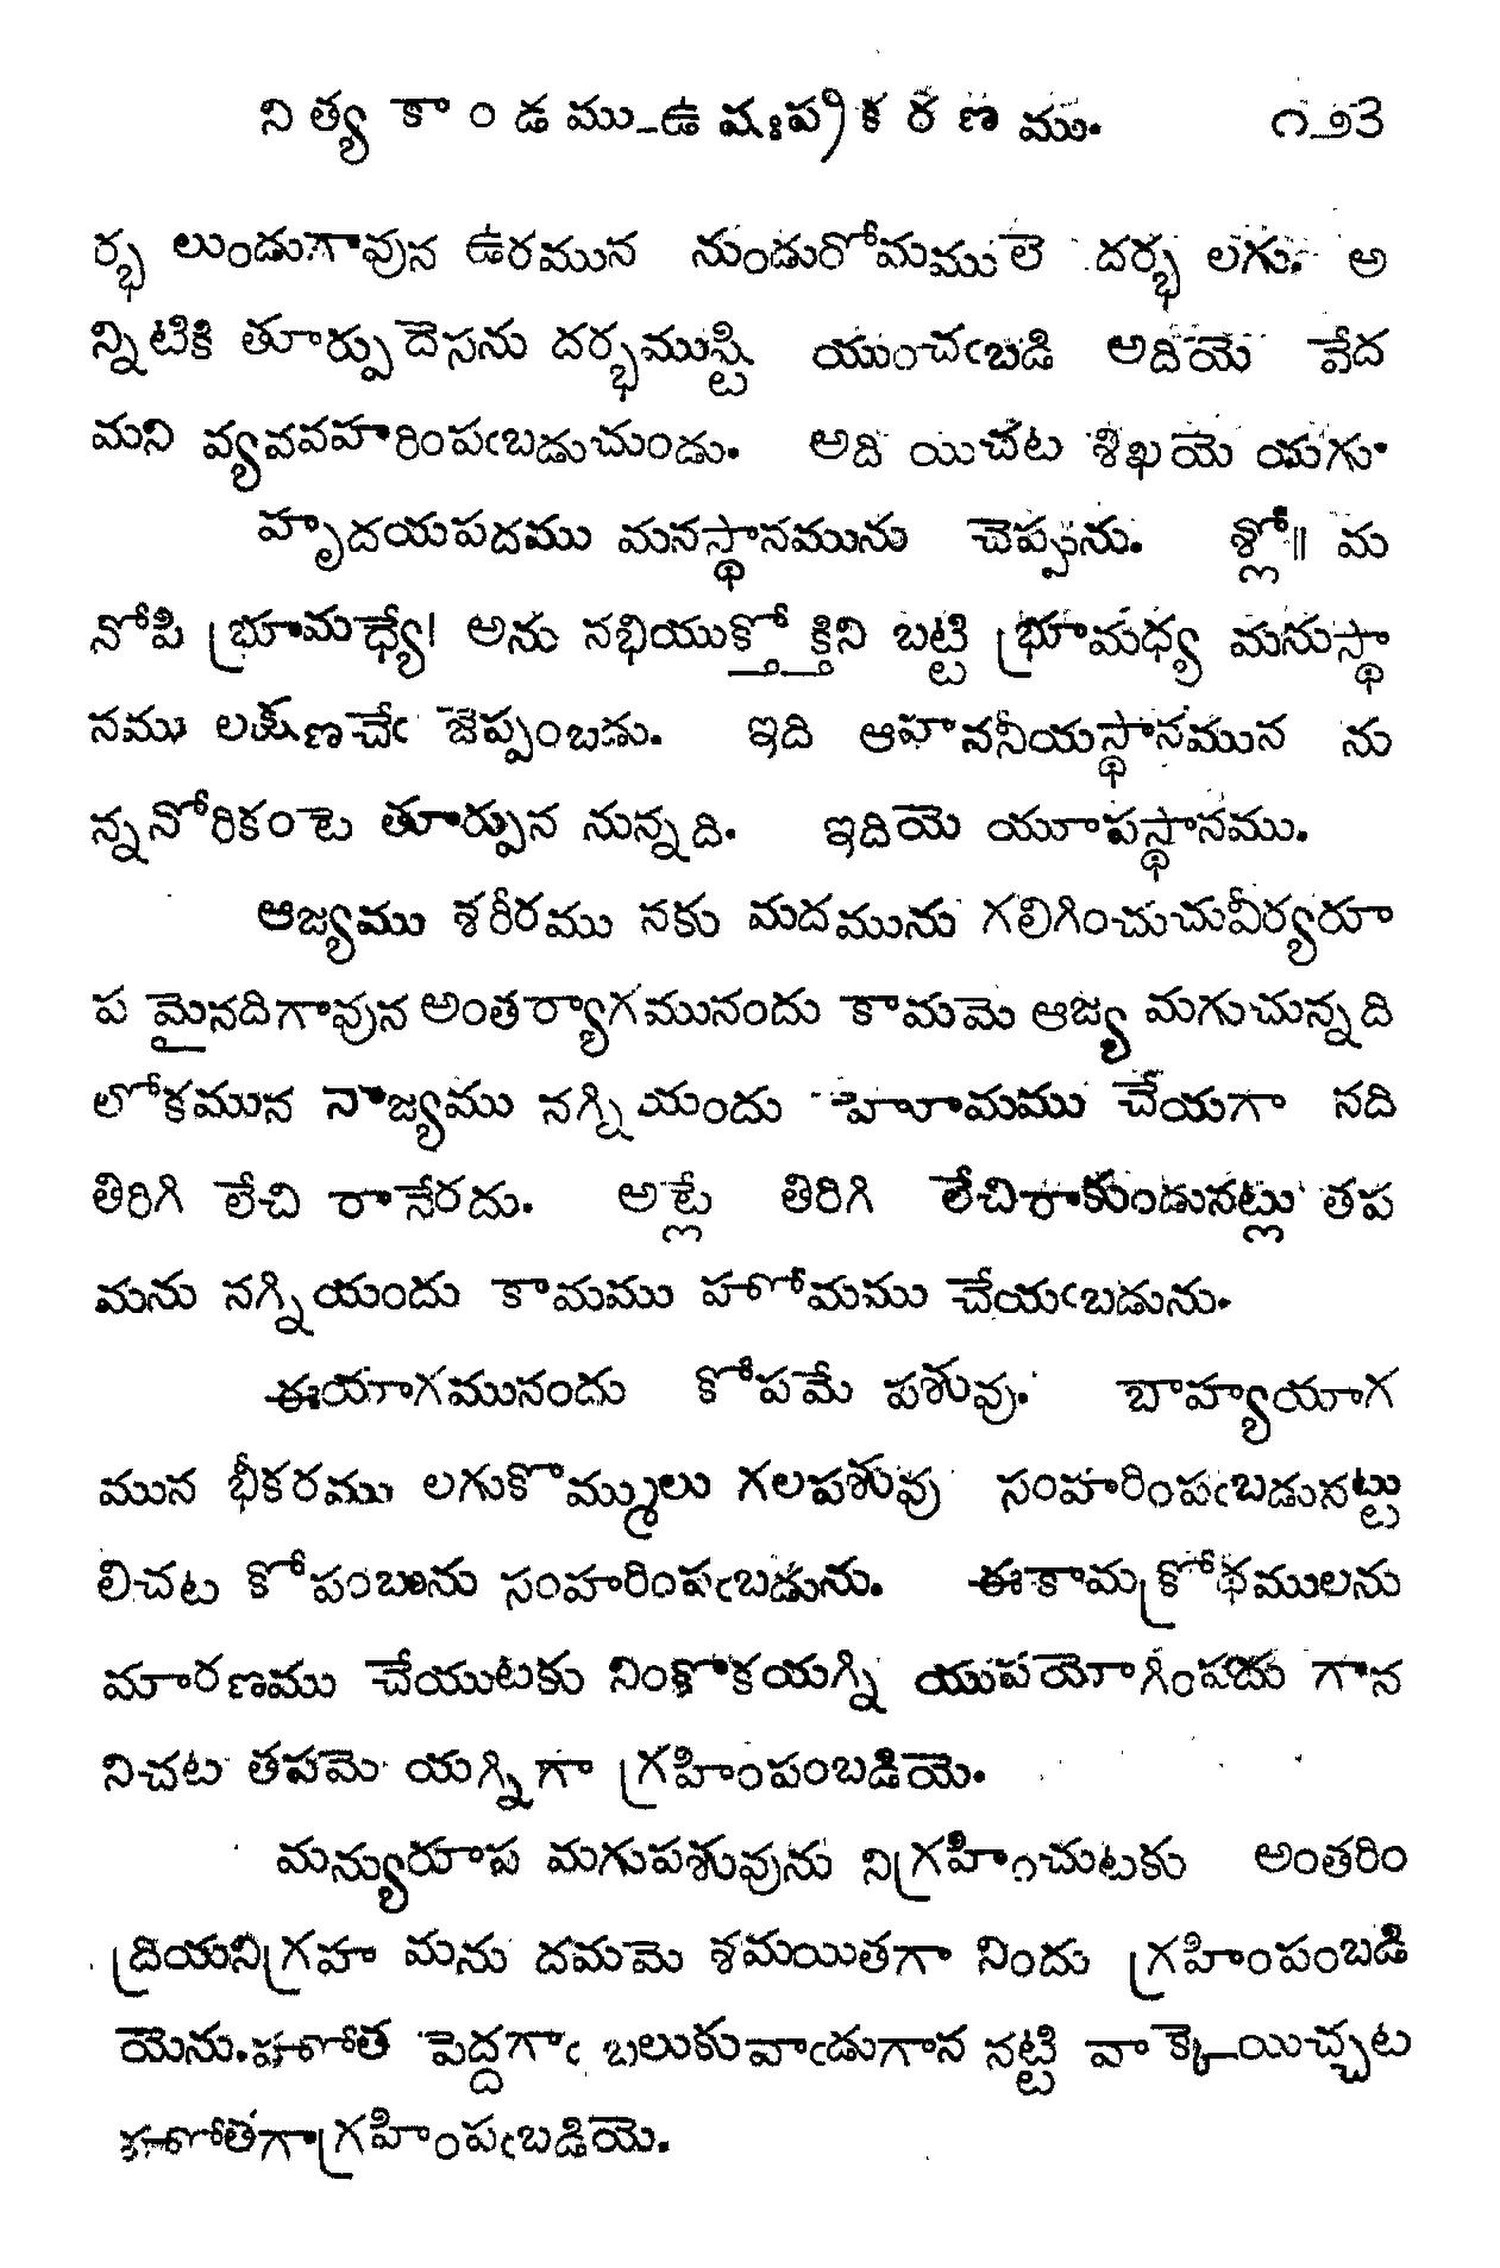ర్భ లుండుగావున ఉరమున నుండురోమములె దర్భ లగు. అన్నిటికి తూర్పుదెసను దర్భముష్టి యుంచఁబడి అదియె వేదమని వ్యవవహరింపఁబడుచుండు. అది యిచట శిఖయె యగు.

హృదయపదము మనస్థానమును చెప్పును. శ్లో॥ మనోపి భ్రూమధ్యే। అను నభియుక్తోక్తిని బట్టి భ్రూమధ్య మనుస్థానము లక్షణచేఁ జెప్పంబడు. ఇది ఆహవనీయస్థానమున నున్ననోరికంటె తూర్పున నున్నది. ఇదియె యూపస్థానము.

ఆజ్యము శరీరము నకు మదమును గలిగించుచువీర్యరూప మైనదిగావున అంతర్యాగమునందు కామమె ఆజ్య మగుచున్నది లోకమున నాజ్యము నగ్నియందు హోమము చేయగా నది తిరిగి లేచి రానేరదు. అట్లే తిరిగి లేచిరాకుండునట్లు' తపమను నగ్నియందు కామము హోమము చేయఁబడును.

ఈయాగమునందు కోపమే పశువు. బాహ్యయాగమున భీకరము లగుకొమ్ములు గలపశువు సంహరింపఁబడునట్టు లిచట కోపంబును సంహరింపఁబడును. ఈకామక్రోథములను మారణము చేయుటకు నింకొకయగ్ని యుపయోగింపదు గాన నిచట తపమె యగ్నిగా గ్రహింపంబడియె.

మన్యురూప మగుపశువును నిగ్రహించుటకు అంతరింద్రియనిగ్రహ మను దమమె శమయితగా నిందు గ్రహింపంబడియెను. హోత పెద్దగాఁ బలుకువాఁడుగాన నట్టి వాక్కెయిచ్చట హోతగాగ్రహింపఁబడియె.